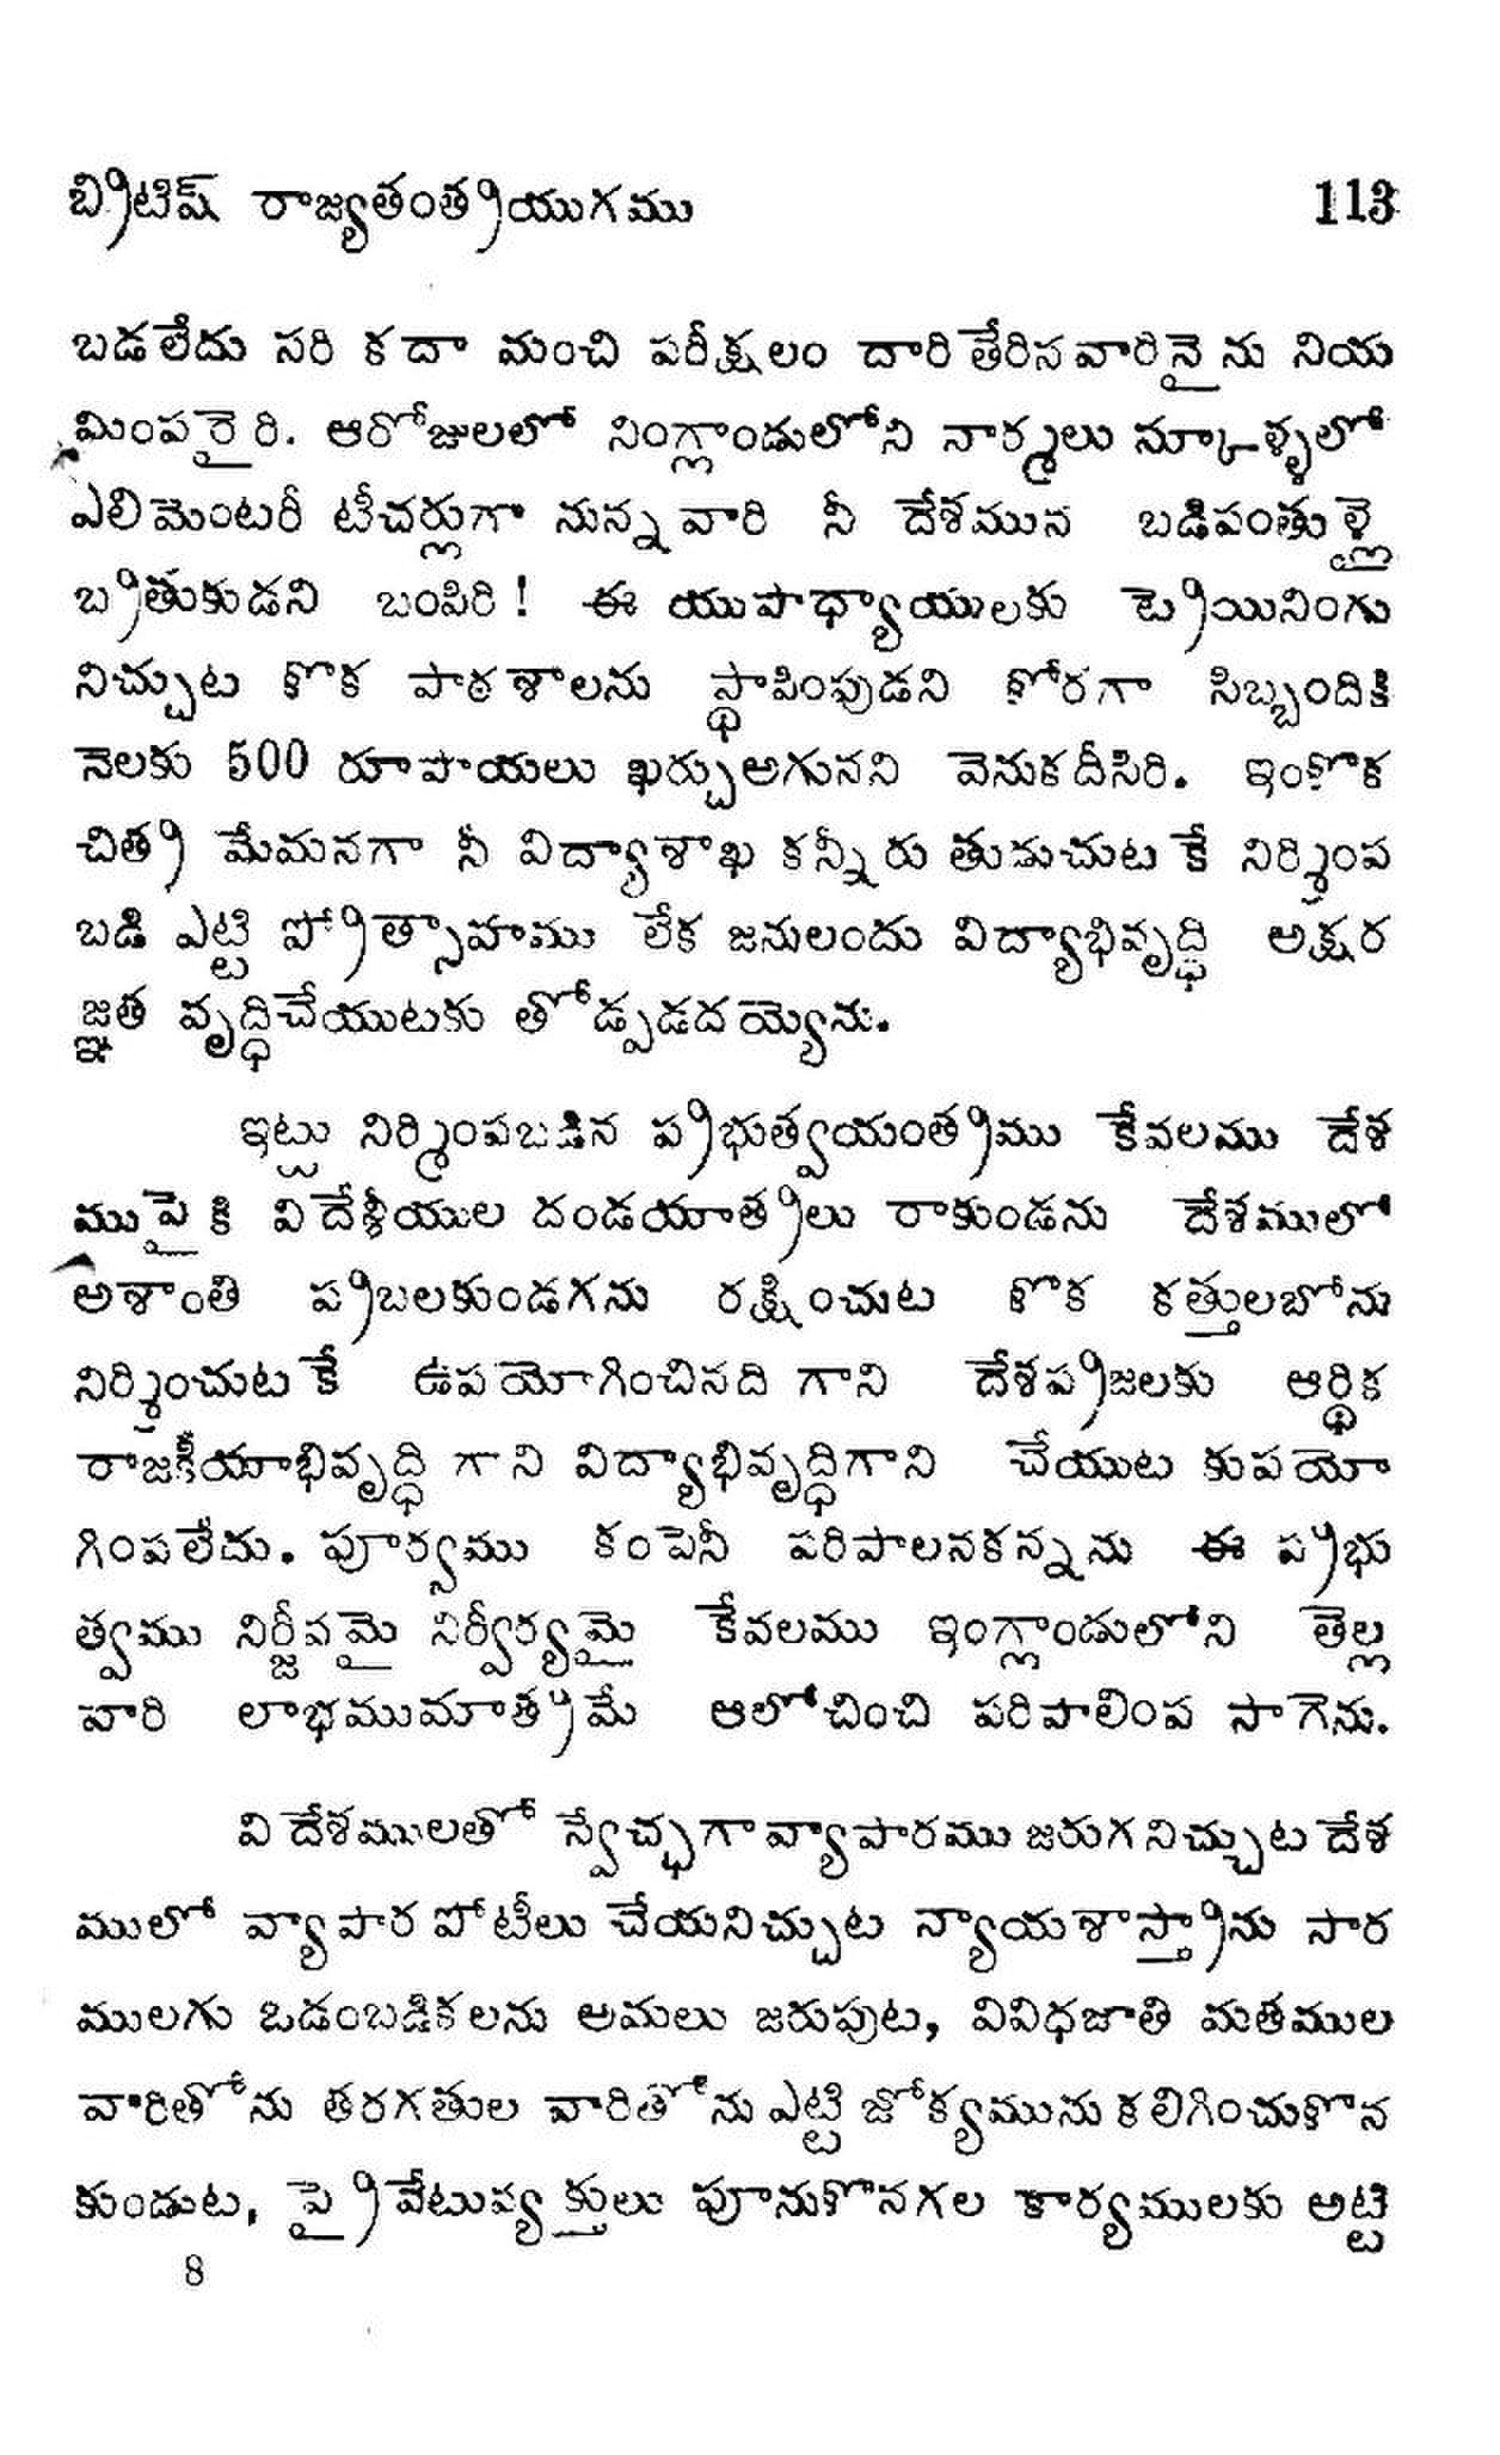బడలేదు సరి కదా మంచి పరీక్షలం దారితేరినవారినైను నియమింపరైరి. ఆరోజులలో నింగ్లాండులోని నార్మలు స్కూళ్ళలో ఎలిమెంటరీ టీచర్లుగా నున్నవారి నీ దేశమున బడిపంతుళ్లై బ్రతుకుడని బంపిరి ! ఈ యుపాధ్యాయులకు ట్రెయినింగు నిచ్చుట కొక పాఠశాలను స్థాపింపుడని కోరగా సిబ్బందికి నెలకు 500 రూపాయలు ఖర్చుఅగునని వెనుకదీసిరి. ఇంకొక చిత్ర మేమనగా నీ విద్యాశాఖ కన్నీరు తుడుచుట కే నిర్మింపబడి ఎట్టి ప్రోత్సాహము లేక జనులందు విద్యాభివృద్ధి అక్షరజ్ఞత వృద్ధిచేయుటకు తోడ్పడదయ్యెను. -

ఇట్లు నిర్మింపబడిన ప్రభుత్వయంత్రము కేవలము దేశముపైకి విదేశీయుల దండయాత్రలు రాకుండను దేశములో అశాంతి ప్రబలకుండగను రక్షించుట కొక కత్తులబోను నిర్మించుటకే ఉపయోగించినది గాని దేశప్రజలకు ఆర్థిక రాజకీయాభివృద్ధి గాని విద్యాభివృద్దిగాని చేయుట కుపయోగింపలేదు. పూర్వము కంపెనీ పరిపాలనకన్నను ఈ ప్రభుత్వము నిర్జీవమై నిర్వీర్యమై కేవలము ఇంగ్లాండులోని తెల్లవారి లాభముమాత్రమే ఆలోచించి పరిపాలింప సాగెను.

విదేశములతో స్వేచ్ఛగావ్యాపారము జరుగనిచ్చుట దేశములో వ్యాపారపోటీలు చేయనిచ్చుట న్యాయశాస్త్రాను సారములగు ఒడంబడికలను అమలు జరుపుట, వివిధజాతి మతముల వారితోను తరగతుల వారితోను ఎట్టి జోక్యమును కలిగించుకొన కుండుట, ప్రైవేటువ్యక్తులు పూనుకొనగల కార్యములకు అట్టి